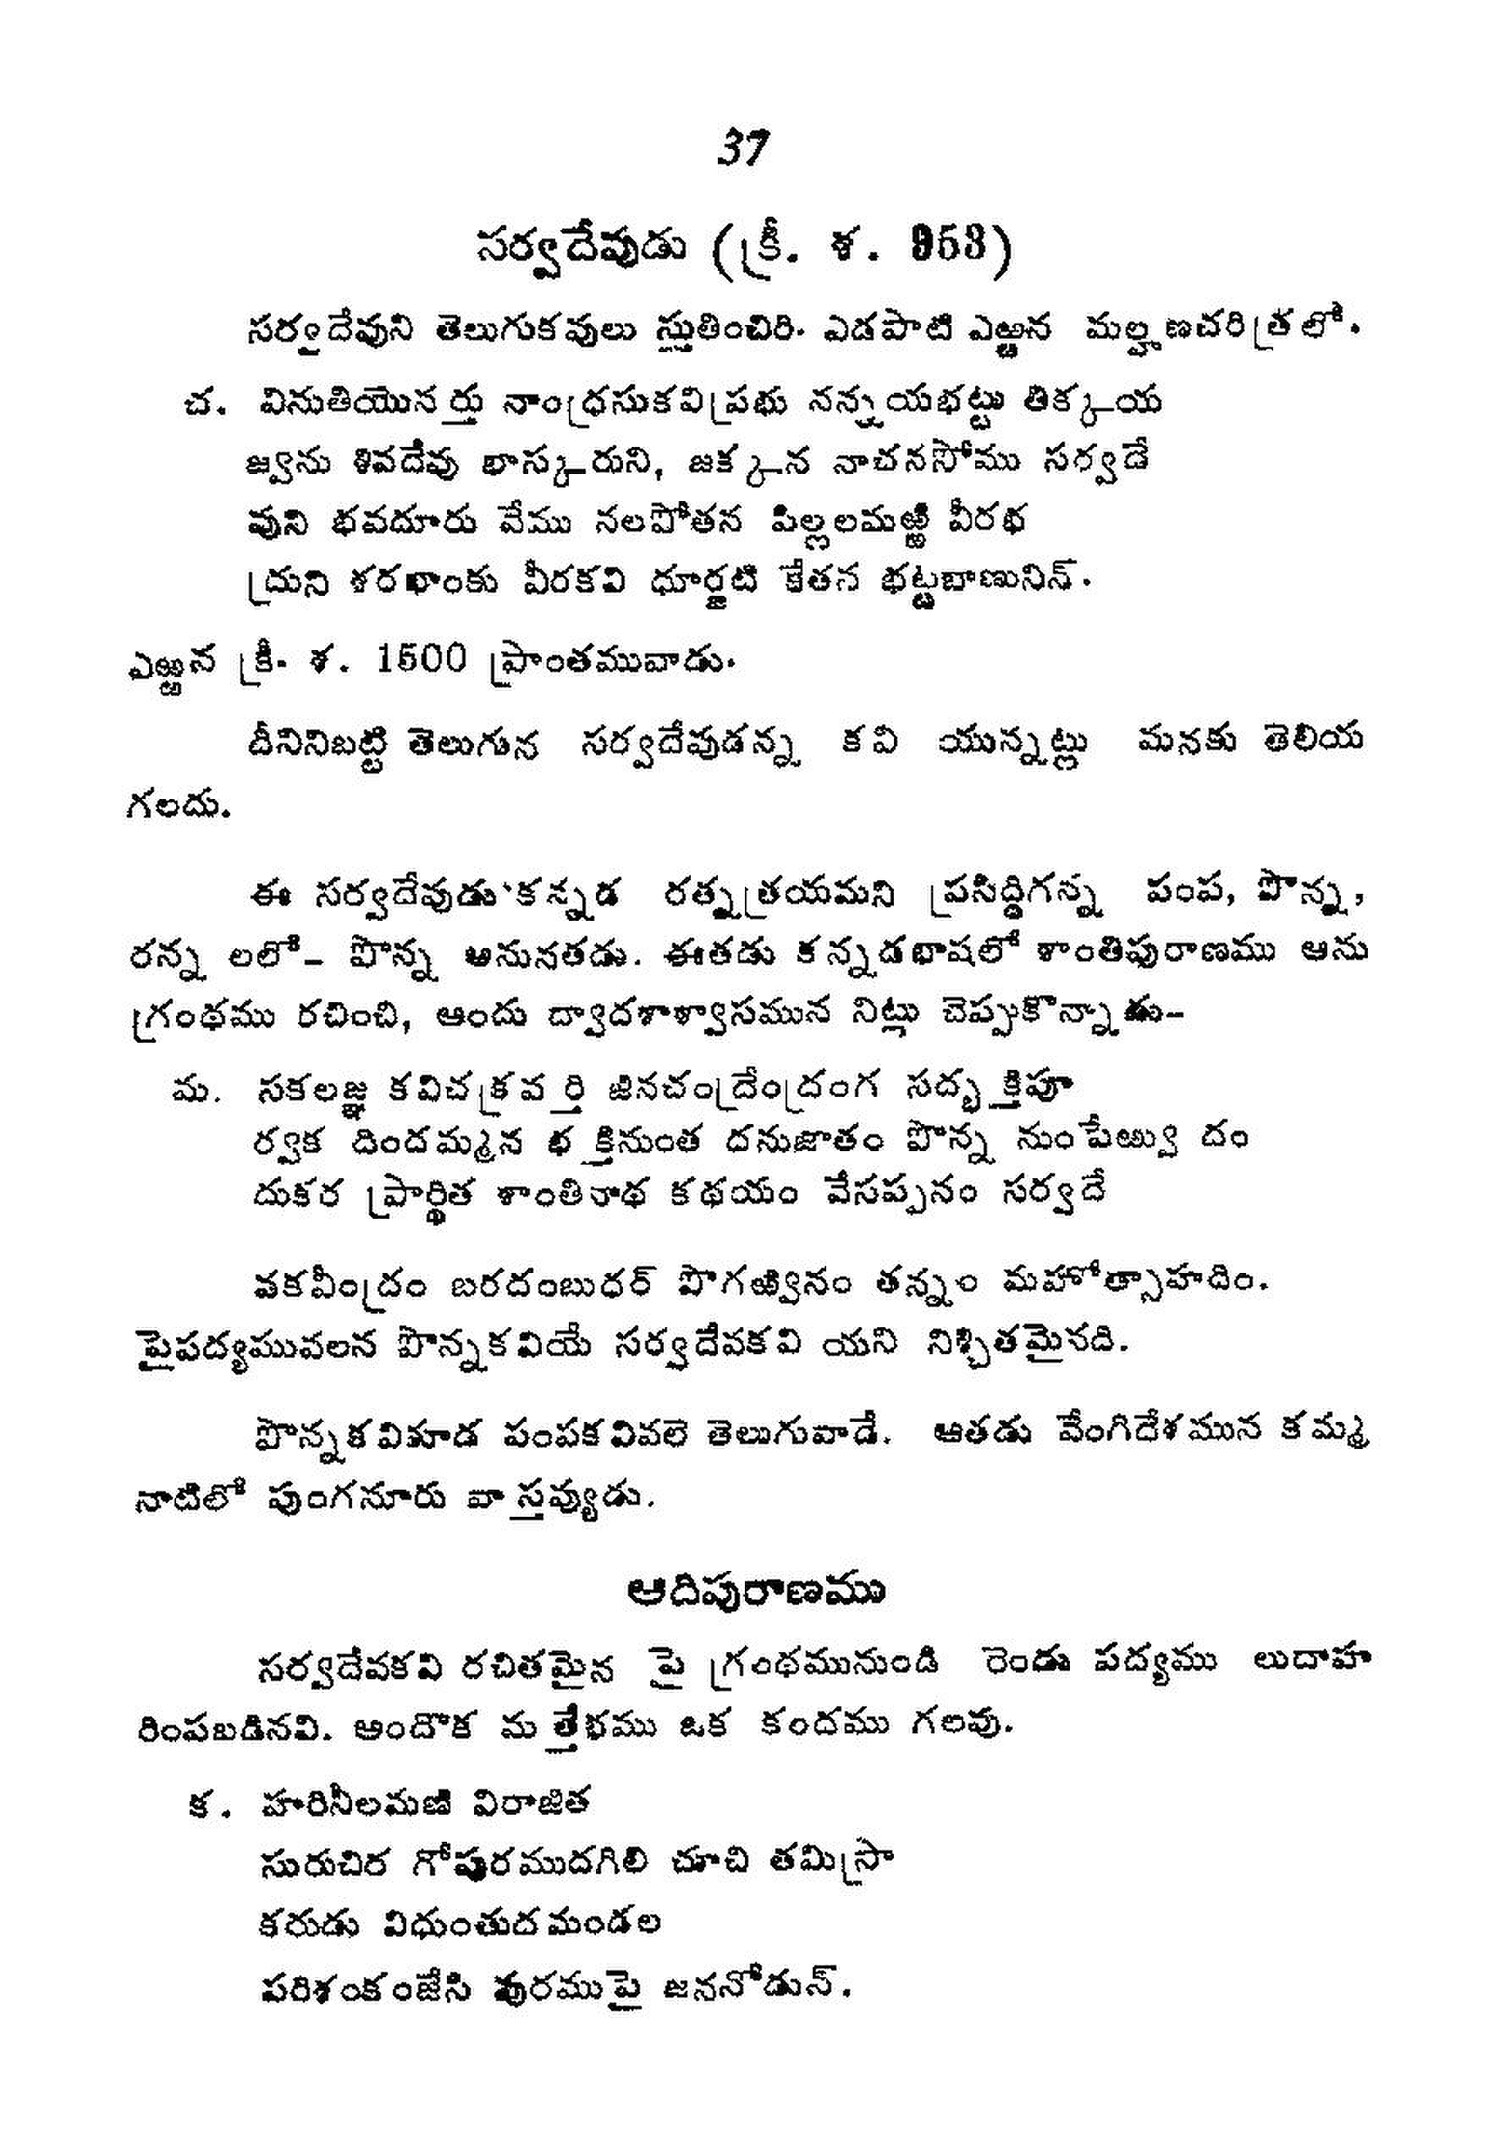సర్వ దేవుని తెలుగుకవులు స్తుతించిరి. ఎడపాటి ఎఱ్ఱన మల్హణ చరిత్ర లో.

చ. వినుతియొనర్తు నాంధ్రసుక విప్రభు నన్నయభట్టు తిక్కయ
జ్వను శివదేవు భాస్కరుని, జక్కన నాచనసోము సర్వదే
వుని భవదూరు వేము నలపోతన పిల్లలమర్రివీరభ
ద్రుని శరభాంకు వీరకవి ధూర్జటి కేతన భట్టబాణునిన్ .

ఎఱ్ఱున క్రీ. శ. 1500 ప్రాంతమువాడు.

దీనినిబట్టి తెలుగున సర్వదేవుడన్న కవి యున్నట్లు మనకు తెలియ
గలదు.

ఈ సర్వదేవుడు కన్నడ రత్నత్రయమని ప్రసిద్ధిగన్న పంప, పొన్న,
రన్న లలో- పొన్న అనునతడు. ఈతడు కన్నడ భాషలో శాంతిపురాణము ఆను
గ్రంథము రచించి, ఆందు ద్వాదళాశ్వాసమున నిట్లు చెప్పుకొన్నాడు;

మ. సకలజ్ఞ కవిచక్రవర్తి జినచంద్రేంద్రంగ సద్భక్తిపూ
ర్వక దిందమ్మన భక్తినుంత దనుజాతం పొన్న నుం పేఱువదం
దుకర ప్రార్థిత శాంతి నాథ కథయం వేసప్పనం సర్వదే
వకవీంద్రం బరదంబుధర్ పొగఱిసం తన్నం మహోత్సాహదిం.

పైపద్యమువలన పొన్నకవియే సర్వదేవకవి యని నిశ్చితమైనది.
పొన్నక వికూడ పంపకవి వలే తెలుగువాడే. ఆతడు వేంగీదేశమున కమ్మ
నాటిలో పుంగనూరు వాస్తవ్యుడు,

సర్వదేవకవి రచితమైన పై గ్రంథమునుండి రెండు పద్యము లుదాహ
రింపబడినవి. అందొక మత్తేభము ఒక కందము గలవు.

క. హరినీలమణి విరాజిత
సురుచిర గోపురముదగిలి చూచి తమిస్రా
కరుడు విధుంతుదమండల
పరిశంకంజేసి పురముపై జననోడున్,